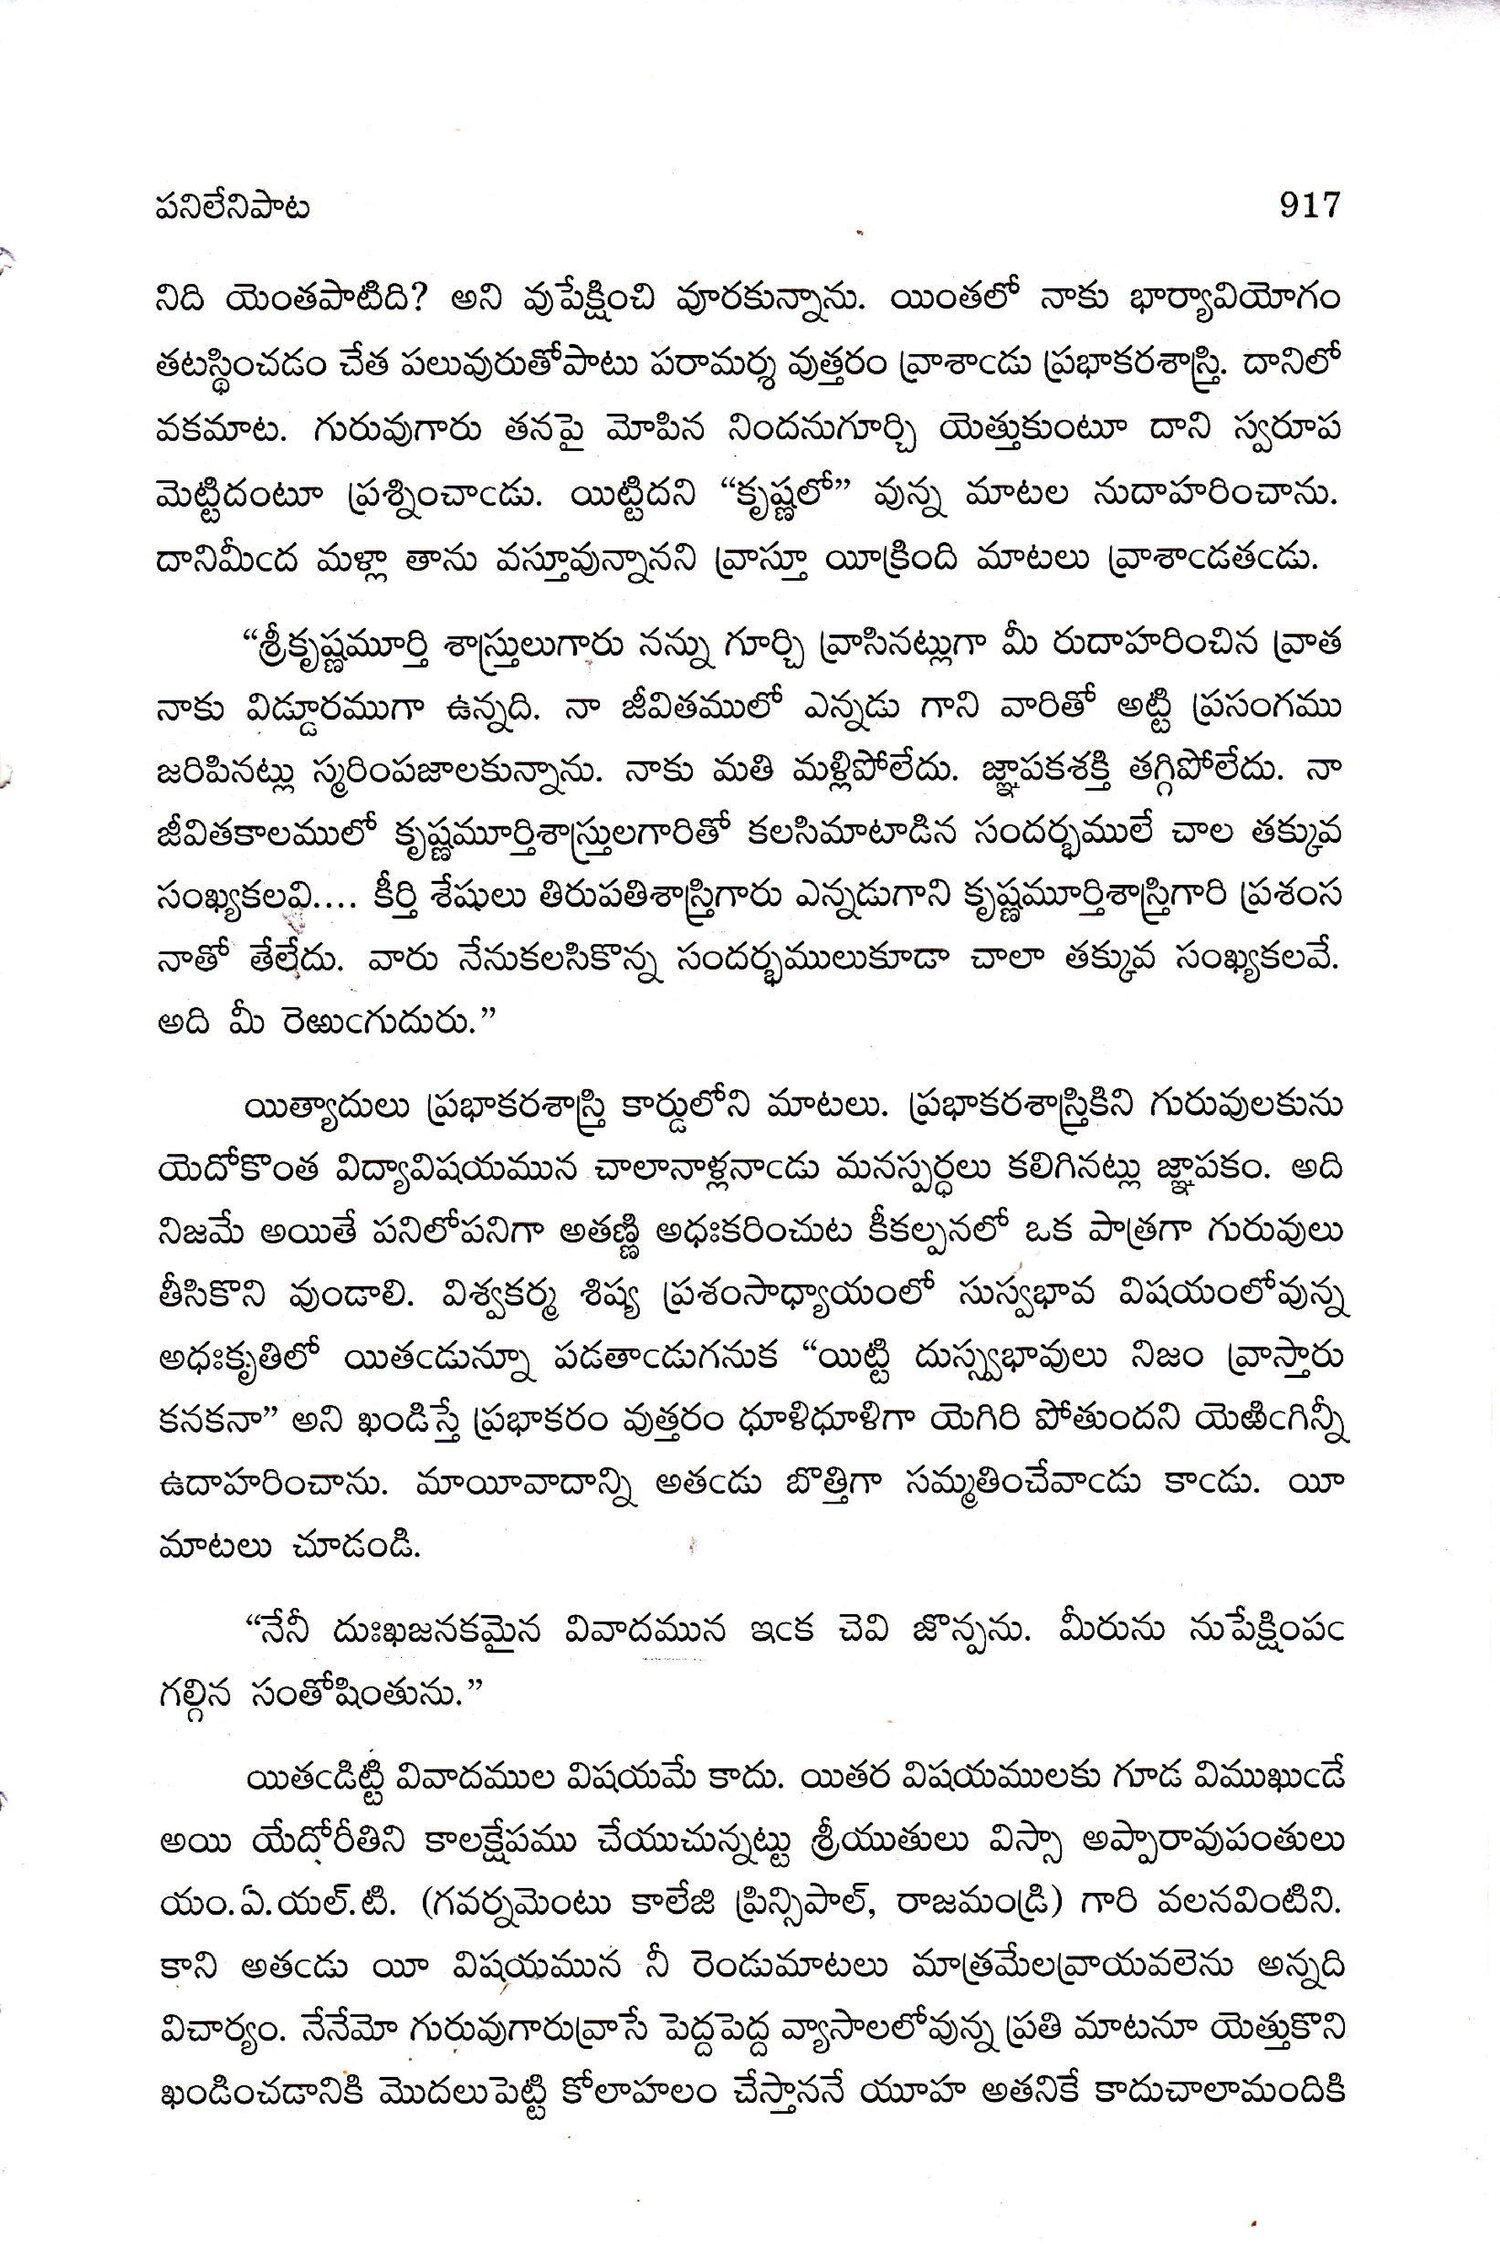నిది యెంతపాటిది? అని వుపేక్షించి వూరకున్నాను. యింతలో నాకు భార్యావియోగం తటస్థించడం చేత పలువురుతోపాటు పరామర్శ వుత్తరం వ్రాశాఁడు ప్రభాకరశాస్త్రి. దానిలో వకమాట. గురువుగారు తనపై మోపిన నిందనుగూర్చి యెత్తుకుంటూ దాని స్వరూప మెట్టిదంటూ ప్రశ్నించాఁడు. యిట్టిదని "కృష్ణలో" వున్న మాటల నుదాహరించాను. దానిమీఁద మళ్లా తాను వస్తూవున్నానని వ్రాస్తూ యీక్రింది మాటలు వ్రాశాఁడతఁడు.

“శ్రీకృష్ణమూర్తి శాస్త్రులుగారు నన్ను గూర్చి వ్రాసినట్లుగా మీ రుదాహరించిన వ్రాత నాకు విడ్డూరముగా ఉన్నది. నా జీవితములో ఎన్నడు గాని వారితో అట్టి ప్రసంగము జరిపినట్లు స్మరింపజాలకున్నాను. నాకు మతి మళ్లిపోలేదు. జ్ఞాపకశక్తి తగ్గిపోలేదు. నా జీవితకాలములో కృష్ణమూర్తిశాస్త్రులగారితో కలసిమాటాడిన సందర్భములే చాల తక్కువ సంఖ్యకలవి. కీర్తి శేషులు తిరుపతిశాస్త్రిగారు ఎన్నడుగాని కృష్ణమూర్తిశాస్త్రిగారి ప్రశంస నాతో తేలేదు. వారు నేనుకలసికొన్న సందర్భములుకూడా చాలా తక్కువ సంఖ్యకలవే. అది మీ రెఱుఁగుదురు.”

యిత్యాదులు ప్రభాకరశాస్త్రి కార్డులోని మాటలు. ప్రభాకరశాస్త్రికిని గురువులకును యెదోకొంత విద్యావిషయమున చాలానాళ్లనాఁడు మనస్పర్ధలు కలిగినట్లు జ్ఞాపకం. అది నిజమే అయితే పనిలోపనిగా అతణ్ణి అధఃకరించుట కీకల్పనలో ఒక పాత్రగా గురువులు తీసికొని వుండాలి. విశ్వకర్మ శిష్య ప్రశంసాధ్యాయంలో సుస్వభావ విషయంలోవున్న అధఃకృతిలో యితఁడున్నూ పడతాడుగనుక “యిట్టి దుస్వభావులు నిజం వ్రాస్తారు కనకనా" అని ఖండిస్తే ప్రభాకరం వుత్తరం ధూళిధూళిగా యెగిరి పోతుందని యెఱిఁగిన్నీ ఉదాహరించాను. మాయీవాదాన్ని అతఁడు బొత్తిగా సమ్మతించేవాఁడు కాఁడు. యీ మాటలు చూడండి.

"నేనీ దుఃఖజనకమైన వివాదమున ఇఁక చెవి జొన్పను. మీరును నుపేక్షింపఁ గల్గిన సంతోషింతును.”

యితఁడిట్టి వివాదముల విషయమే కాదు. యితర విషయములకు గూడ విముఖుఁడే అయి యేదోరీతిని కాలక్షేపము చేయుచున్నట్టు శ్రీయుతులు విస్సా అప్పారావుపంతులు యం.ఏ.యల్.టి. (గవర్నమెంటు కాలేజి ప్రిన్సిపాల్, రాజమండ్రి) గారి వలనవింటిని. కాని అతఁడు యీ విషయమున నీ రెండుమాటలు మాత్రమేలవ్రాయవలెను అన్నది విచార్యం. నేనేమో గురువుగారు వ్రాసే పెద్దపెద్ద వ్యాసాలలోవున్న ప్రతి మాటనూ యెత్తుకొని ఖండించడానికి మొదలుపెట్టి కోలాహలం చేస్తాననే యూహ అతనికే కాదుచాలామందికి